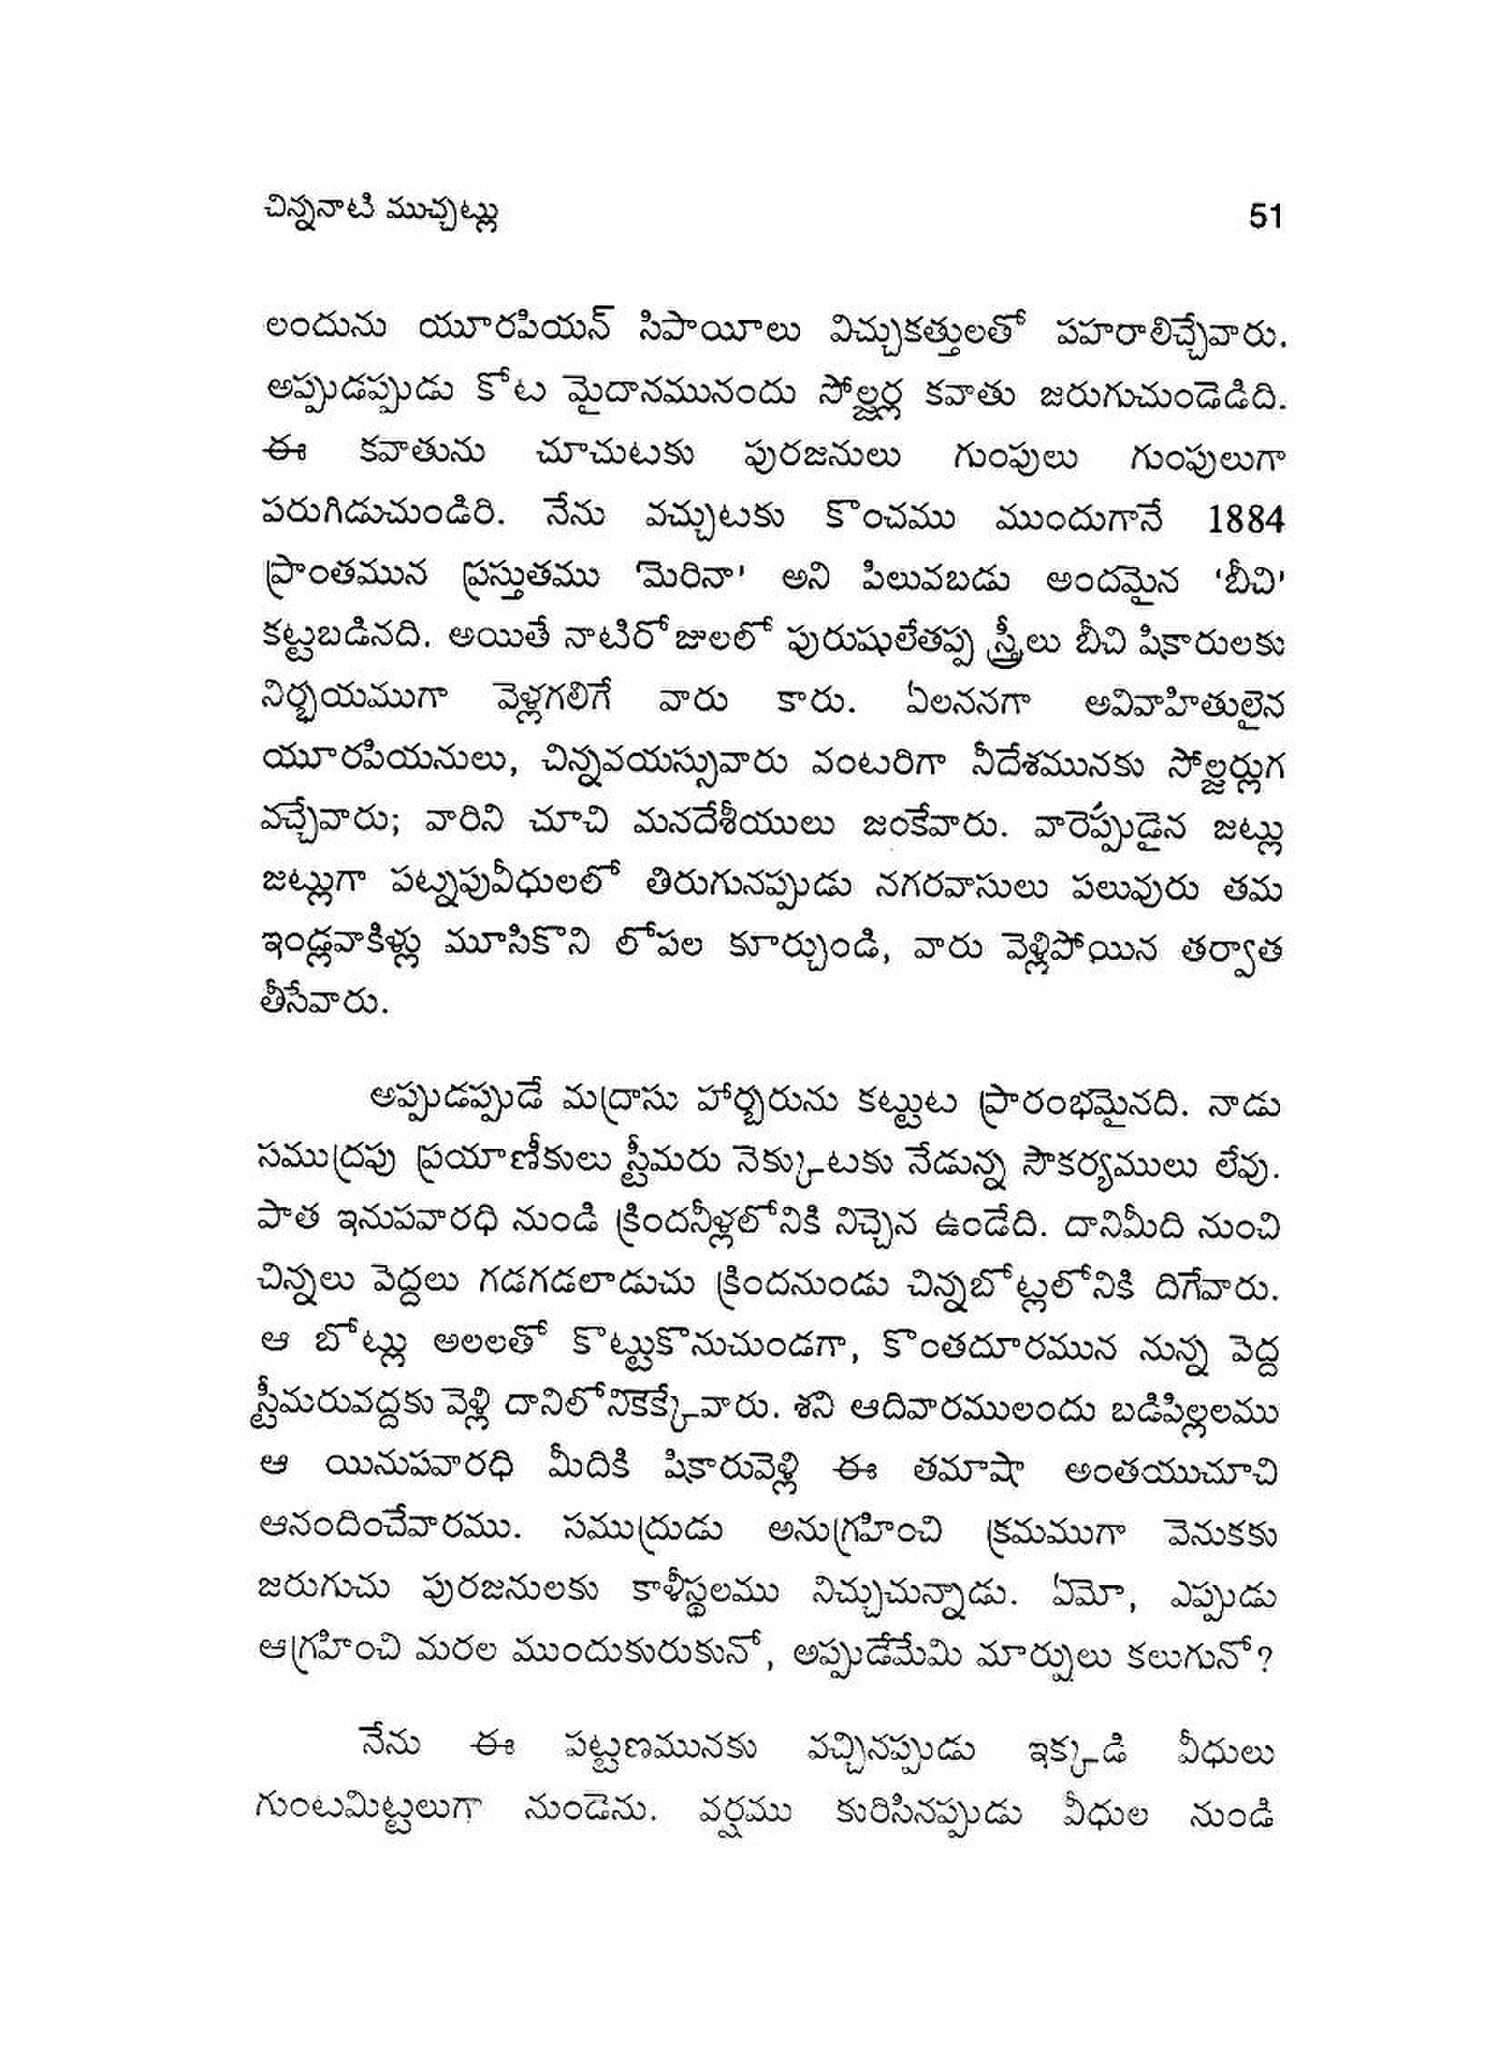లందును యూరపియన్ సిపాయీలు విచ్చుకత్తులతో పహరాలిచ్చేవారు. అప్పుడప్పుడు కోట మైదానమునందు సోల్జర్ల కవాతు జరుగుచుండెడిది. ఈ కవాతును చూచుటకు పురజనులు గుంపులు గుంపులుగా పరుగిడుచుండిరి. నేను వచ్చుటకు కొంచము ముందుగానే 1884 ప్రాంతమున ప్రస్తుతము 'మెరినా' అని పిలువబడు అందమైన 'బీచి' కట్టబడినది. అయితే నాటిరోజులలో పురుషులేతప్ప స్త్రీలు బీచి షికారులకు నిర్భయముగా వెళ్లగలిగే వారు కారు. ఏలననగా అవివాహితులైన యూరపియనులు, చిన్నవయసువారు వంటరిగా నీదేశమునకు సోల్జర్లుగ వచ్చేవారు; వారిని చూచి మనదేశీయులు జంకేవారు. వారెప్పుడైన జట్లు జట్లుగా పట్నపువీధులలో తిరుగునప్పుడు నగరవాసులు పలువురు తమ ఇండ్లవాకిళ్లు మూసికొని లోపల కూర్చుండి, వారు వెళ్లిపోయిన తర్వాత తీసేవారు.

అప్పుడప్పుడే మద్రాసు హార్బరును కట్టుట ప్రారంభమైనది. నాడు సముద్రపు ప్రయాణీకులు స్టీమరు నెక్కుటకు నేడున్న సౌకర్యములు లేవు. పాత ఇనుపవారధి నుండి క్రిందనీళ్లలోనికి నిచ్చెన ఉండేది. దానిమీది నుంచి చిన్నలు పెద్దలు గడగడలాడుచు క్రిందనుండు చిన్నబోట్లలోనికి దిగేవారు. ఆ బోట్లు అలలతో కొట్టుకొనుచుండగా, కొంతదూరమున నున్న పెద్ద స్టీమరువద్దకు వెళ్లి దానిలోనికెక్కేవారు. శని ఆదివారములందు బడిపిల్లలము ఆ యినుపవారధి మీదికి షికారువెళ్లి ఈ తమాషా అంతయుచూచి ఆనందించేవారము. సముద్రుడు అనుగ్రహించి క్రమముగా వెనుకకు జరుగుచు పురజనులకు కాళీస్థలము నిచ్చుచున్నాడు. ఏమో, ఎప్పడు ఆగ్రహించి మరల ముందుకురుకునో, అప్పడేమేమి మార్పులు కలుగునో?

నేను ఈ పట్టణమునకు వచ్చినపుడు ఇక్కడి వీధులు గుంటమిట్టలుగా నుండెను. వర్షము కురిసినప్పుడు వీధుల నుండి